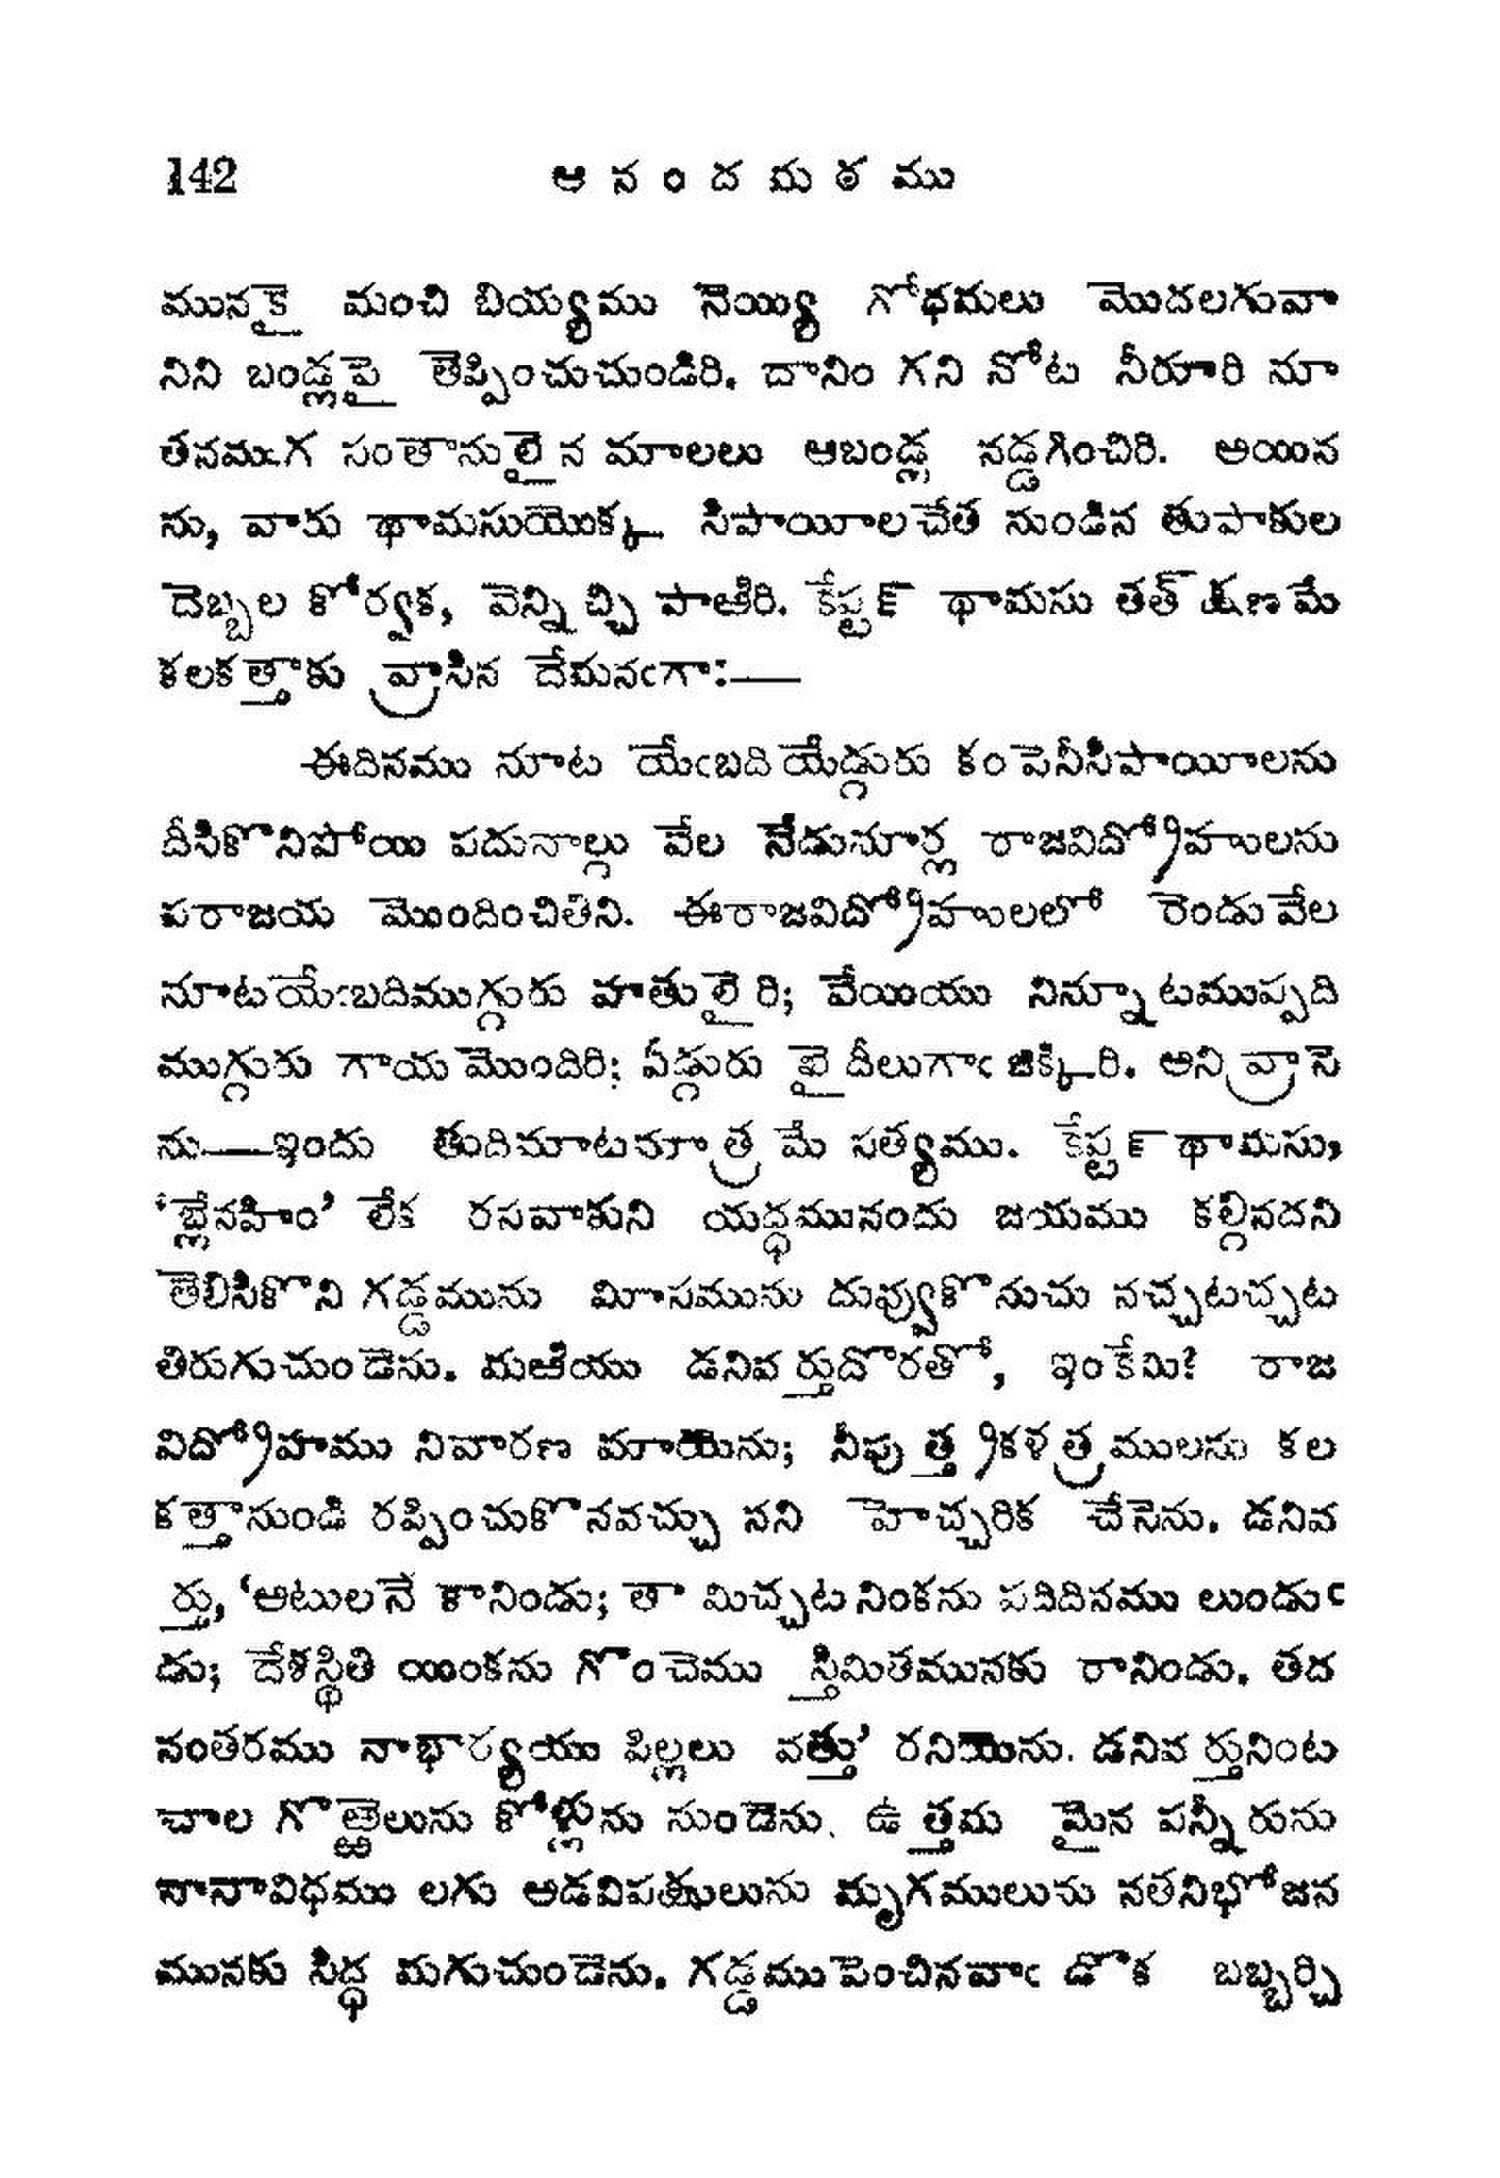మునకై మంచి బియ్యము నెయ్యి గోధములు మొదలగువానిని బండ్లపై తెప్పించుచుండిరి, దానిం గని నోట నీరూరి నూతనముగ సంతాను లైన మాలలు ఆబండ్ల నడ్డగించిరి. అయినను, వారు థామసుయొక్క సిపాయీల చేత నుండిన తుపాకుల దెబ్బల కోర్వక, 'వెన్నిచ్చి పాఱిరి. కేష్ట౯ థామసు తత్ క్షణమే కలకత్తాకు వ్రాసిన దేమనఁగా:——

ఈదినము నూట 'యేఁబది యేడ్గురు కంపెనీసిపాయీలను దీసికొనిపోయి పదునాల్గు వేల నేడు సూర్ల రాజవిద్రోహులను
పరాజయ మొందించితిని. ఈ రాజవిద్రోహులలో రెండు వేల నూటయేఁబది ముగ్గురు హతులైరి; వేయియు నిన్నూటముప్పది
ముగ్గుకు గాయ మొందిరి: ఏడ్గురు ఖైదీలుగాఁ జిక్కిరి. అని వ్రాసెను—— ఇందు తుదిమాటమూత్రమే సత్యము. కేష్ట౯ థామసు,
'బ్లేనహిం' లేక రసవాకుని యుద్ధమునందు జయము కల్గినదని తెలిసికొని గడ్డమును మీసమును దువ్వుకొనుచు నచ్చటచ్చట
తిరుగుచుండెను. మఱియు డనివర్తుదొరతో, ఇంకేమి? రాజ విద్రోహము నివారణ మాయెను; నీపుత్ర కళత్రములను కలకత్తానుండి రప్పించుకొనవచ్చు నని హెచ్చరిక చేసెను. డనివర్తు, 'అటులనే కానిండు; తామిచ్చట నింకను పదిదినము లుండుఁడు; దేశ స్థితి యింకను గొంచెము స్తిమితమునకు రానిండు, తదనంతరము నాభార్యయు పిల్లలు వత్తు' రనియెను. డనివర్తునింట చాల గొట్టెలును కోళ్లును నుండెను, ఉత్తమ మైన పన్నీరును నానావిధము లగు అడవిపక్షులును మృగములును నతనిభోజనమునకు సిద్ద మగుచుండెను. గడ్డము పెంచినవాఁ డొక బబ్బర్చి